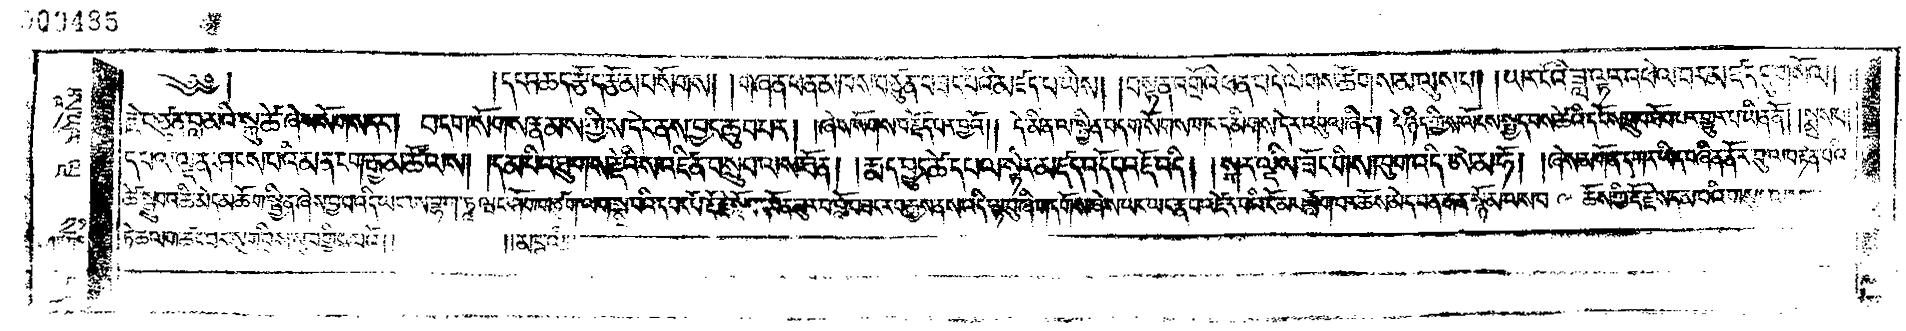༄༅། །དང་འཆད་རྩོད་རྩོམ་པ་སོགས། །གཞན་ཕན་མཁས་བཙུན་བཟང་པོའི་མཛད་པ་ཡིས། །བསྟན་འགྲོའི་ཕན་བདེ་ལེགས་ཚོགས་མ་ལུས་པ། །ཡར་ངོའི་ཟླ་ལྟར་འཕེལ་བར་མཛད་དུ་གསོལ། །
རྗེ་བཙུན་བླ་མའི་སྐུ་ཚེ་ཞེས་སོགས་དང་། བདག་སོགས་རྣམས་ཀྱིས་དེང་ནས་བྱང་ཆུབ་པར། །ཞེས་སོགས་བརྗོད་པར་བྱའོ། །དེ་མིན་ལ་སྦྱིན་བདག་སོགས་གང་དམིགས་དེར་འབུལ་ཞིང་། དེ་ཉིད་ཀྱིས་ལོངས་སྤྱད་པས་ཚེའི་དངོས་གྲུབ་ཐོབ་པར་གྱུར་པ་ཡིན་ནོ། །སྨྲས་པ།
དཔལ་ལྡན་ཤངས་པའི་མན་ངག་རྒྱ་མཚོ་ལས། །དམ་པའི་ཐུགས་རྗེའི་ས་འཛིན་བསྲུབ་ལས་ཐོན། །རྨད་བྱུང་ཚེ་དཔལ་སྟེར་མཛད་འདོད་འཇོ་འདི། །སྐར་ལྡིལ་ཟོང་གིས་ཁུག་འདི་ཨེ་མ་ཧོ། །ཞེས་མགོན་དཀར་ཡིད་བཞིན་ནོར་བུ་ལ་བརྟེན་པའི་
ཚེ་སྒྲུབ་འཆི་མེད་མཆོག་སྦྱིན་ཞེས་བྱ་བ་འདི་ཡང་ཨ་བྷ་ཀ་ཏཱ་ཝང་ཤོག་གཙུག་ལག་སྨྲ་བའི་དབང་པོ་རྡོ་རྗེ་སློབ་དཔོན་ཟུར་བ་བློ་བཟང་རབ་རྒྱས་ནས་འདི་ལྟ་བུ་ཞིག་དགོས་ཞེས་ཡང་ཡང་རྣ་བ་འཛེར་བའི་ངོ་མ་བཟློག་པར་ཆོས་མེད་བན་རྒན་སྙོམ་ལས་བ་༧ཆོས་ཀྱི་རྡོ་རྗེས་དམ་བའི་གསུང་ལས་བཏུས་
ཏེ་ཆ་ལག་ཚང་བར་སུག་བྲིས་སུ་བགྱིས་བའོ།། །།མངྒ་ལཾ།། །